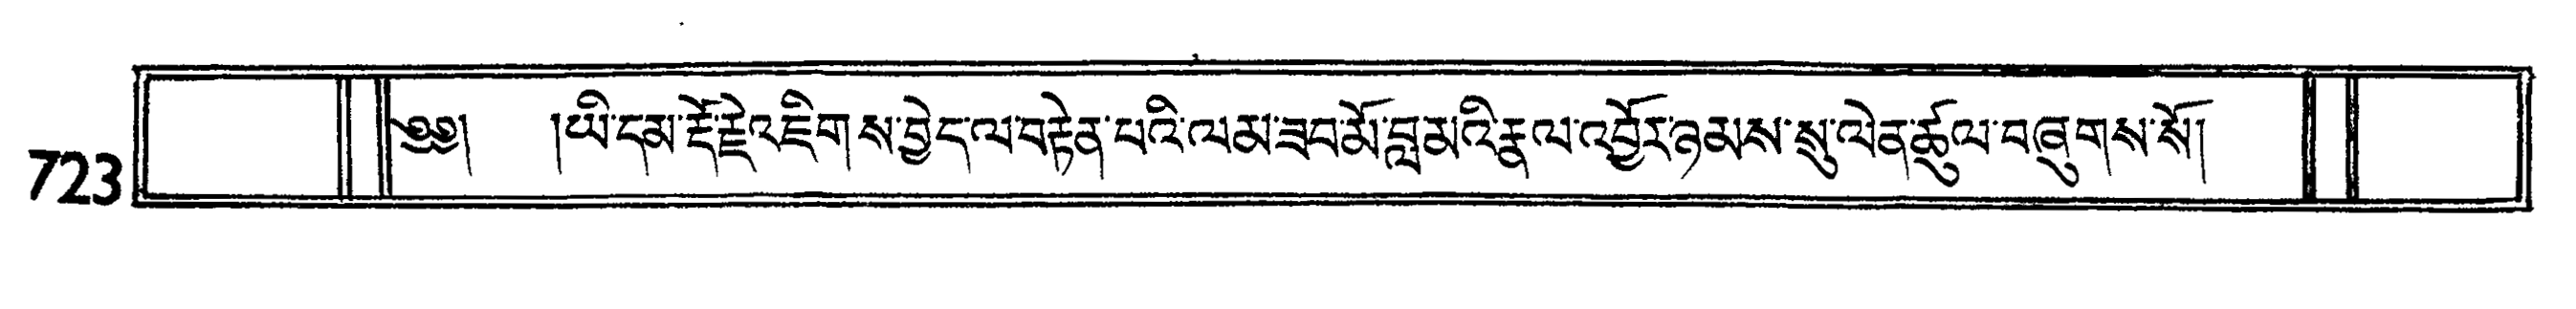༄༅། །ཡི་དམ་རྡོ་རྗེ་འཇིགས་བྱེད་ལ་བརྟེན་པའི་ལམ་ཟབ་མོ་བླ་མའི་རྣལ་འབྱོར་ཉམས་སུ་ལེན་ཚུལ་བཞུགས་སོ།